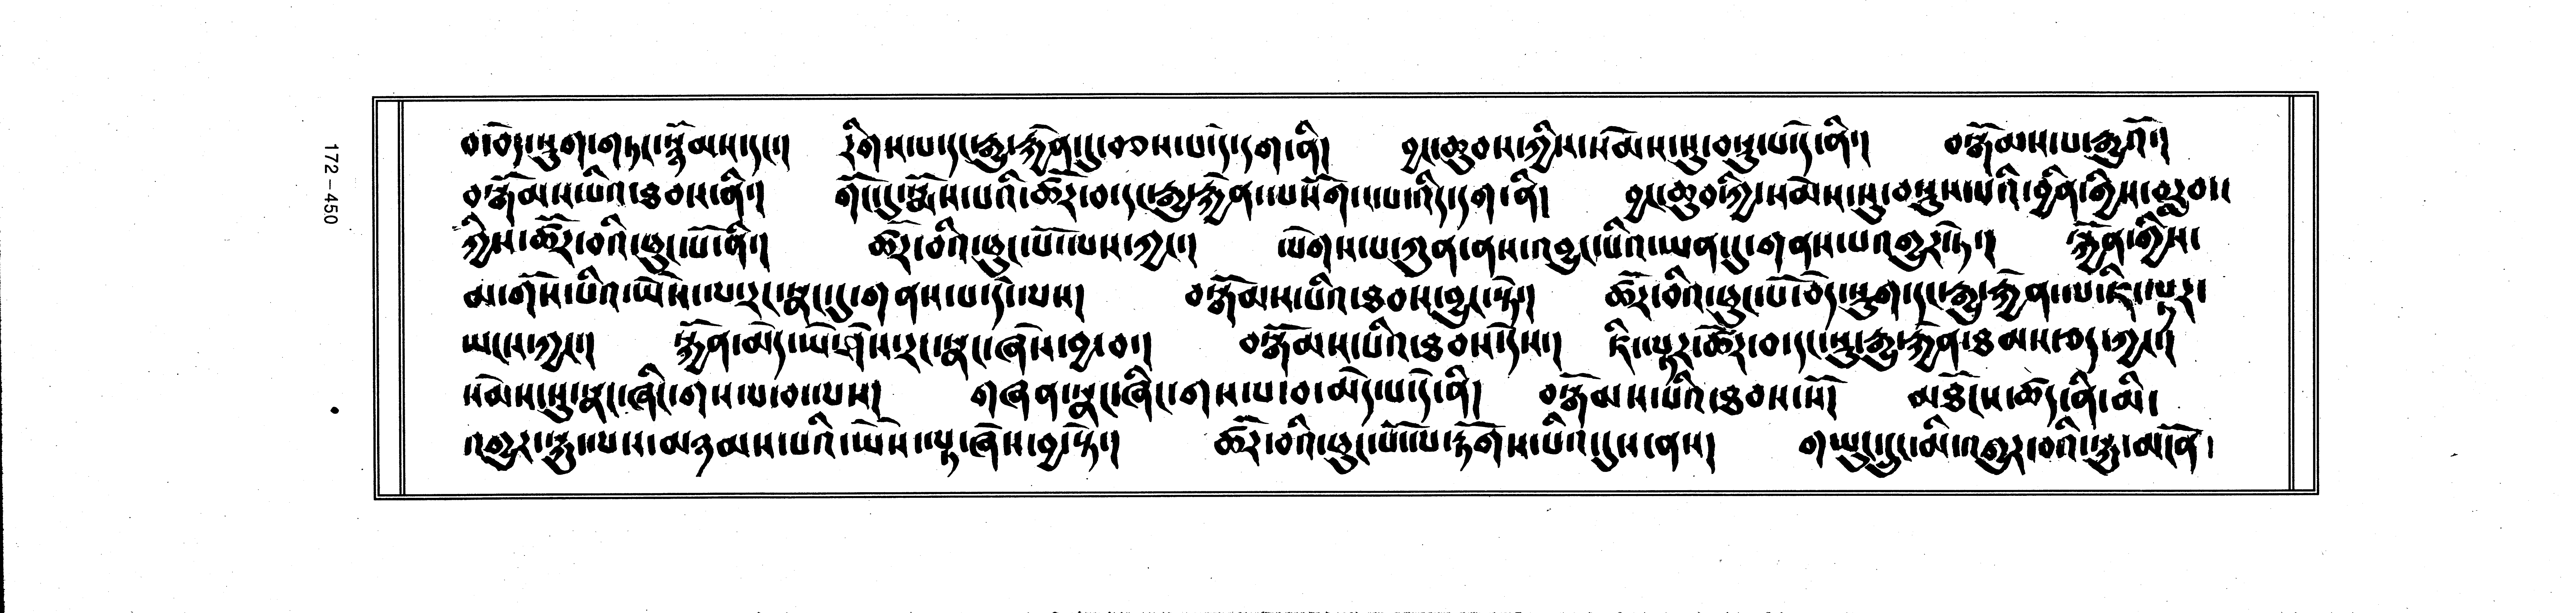བ་བདེ་སྡུག་གཏང་སྙོམས་དང་། རིག་པ་དང་རྒྱུ་རྐྱེན་དུ་བཅས་པ་དེ་དག་ནི། བྱང་ཆུབ་ཀྱིས་སེམས་སུ་བསྡུ་པ་དེ་ནི། བསྒོམས་པའི་རྒྱུའོ། 
བསྒོམས་པའི་ཐབས་ནི། གོང་དུ་སྨོས་པའི་ཚོར་བ་དང་རྒྱུ་རྐྱེན་ལས་སོགས་པ་འདི་དག་ནི། བྱང་ཆུབ་ཀྱིས་སེམས་སུ་བསྡུས་པའི་བྱིན་གྱིས་བརླབས་
ཀྱིས་ཚོར་བའི་ཕུང་པོ་ནི། ཚོར་བའི་ཕུང་པོ་ལས་ཀྱང་། ལེགས་པ་ཀུན་ནས་འབྱུང་པའི་ཡན་དུ་གནས་པ་འགྱུར་ཏེ། སྐྱོན་གྱིས་
མ་གོས་པའི་ཡེ་ཤེས་ལ་རང་སྣང་དུ་གནས་པ་དེ་ལས། བསྒོམས་པའི་ཐབས་བྱུང་སྟེ། ཚོར་བའི་ཕུང་པོ་བདེ་སྡུག་དང་རྒྱུ་རྐྱེན་ལ་ཇི་ལྟར་
ཡངས་（ཡོད་）ཀྱང་། སྐྱོན་མེད་ཡེ་ཤེས་རང་སྣང་ཞེས་བྱ་བ། བསྒོམས་པའི་ཐབས་དེས། ཇི་ལྟར་ཚོར་བ་དང་སྡུ་རྒྱུ་རྐྱེན་ཐམས་ཅད་ཀྱང་། 
སེམས་སུ་སྣང་ཞིང་གསལ་བ་ལས། གཞན་སྣང་ཞིང་གསལ་བ་མེད་པ་དེ་ནི། བསྒོམས་པའི་ཐབས་སོ། མཐོངས་ཚད་ནི་མི་
འགྱུར་སྐུ་ལས་མཉམ་པའི་ཡེ་ཤེས་ལྟ་ཞེས་བྱ་སྟེ། ཚོར་བའི་ཕུང་པོ་ལ་རྟོགས་པའི་དུས་ནས། གཡུང་དྲུང་མི་འགྱུར་བའི་སྐུ་